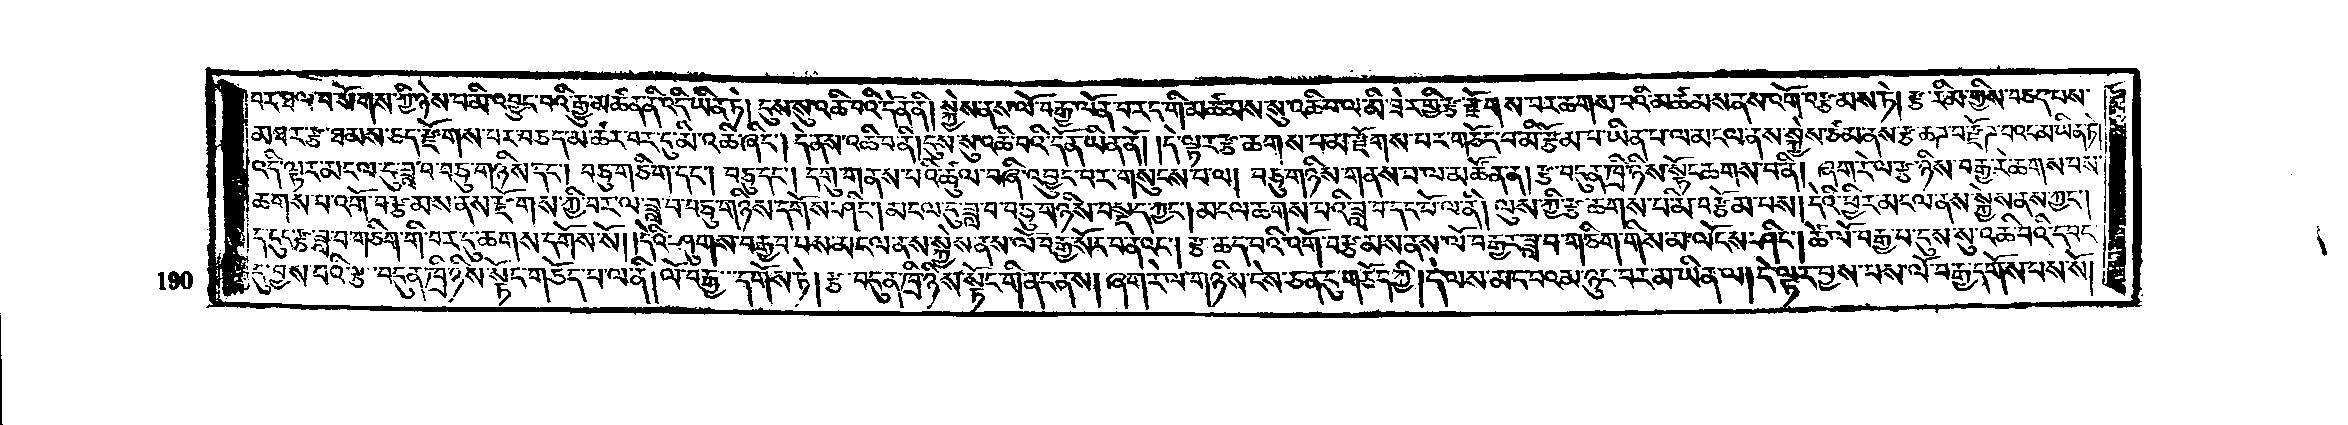བར་ཐལ་བ་སོགས་ཀྱི་ཉེས་པ་མི་འབྱུང་བའི་རྒྱུ་མཚན་ནི་འདི་ཡིན་ཏེ། དུས་སུ་འཆི་བའི་དོན་ནི། སྐྱེས་ནས་ལོ་བརྒྱ་ལོན་པ་རང་གི་མཚམས་སུ་འཆི་བ་ལ་མི་ཟེར་གྱི་རྩ་རྫོགས་པར་ཆགས་པའི་མཚམས་ནས་འོག་བརྩམས་ཏེ། རྩ་རིམ་གྱིས་བཅད་པས་
མཐར་རྩ་ཐམས་ཅད་རྫོགས་པར་བཅད་མ་ཚར་བར་དུ་མི་འཆི་ཞིང་། དེ་ནས་འཆི་བ་ནི། དུས་སུ་འཆི་བའི་དོན་ཡིན་ནོ། །དེ་ལྟར་རྩ་ཆགས་པ་མ་རྫོགས་པར་གཅོད་པ་མི་རྩོམ་པ་ཡིན་པ་ལ་མངལ་ནས་སྐྱེས་ཙམ་ནས་རྩ་ཆགས་པ་རྫོགས་པའང་མ་ཡིན་ཏེ།
འདི་ལྟར་མངལ་དུ་ཟླ་བ་བཅུ་གཉིས་དང་། བཅུ་གཅིག་དང་། བཅུ་དང་། དགུ་གནས་པའི་ཚུལ་བཞི་འབྱུང་བར་གསུངས་པ་ལ། བཅུ་གཉིས་གནས་པ་ལ་མཚོན་ན། རྩ་བདུན་ཁྲི་ཉིས་སྟོང་ཆགས་པ་ནི། ཞག་རེ་ལ་རྩ་ཉིས་བརྒྱ་རེ་ཆགས་པས་
ཆགས་པ་འགོ་བརྩམས་ནས་རྫོགས་ཀྱི་བར་ལ་ཟླ་བ་བཅུ་གཉིས་དགོས་ཤིང་། མངལ་དུ་ཟླ་བ་བཅུ་གཉིས་བསྡད་ཀྱང་། མངལ་ཆགས་པའི་ཟླ་བ་དང་པོ་ལ་ནི། ལུས་ཀྱི་རྩ་ཆགས་པ་མི་བརྩོམ་པས། དེའི་ཕྱིར་མངལ་ནས་སྐྱེས་ནས་ཀྱང་།
ད་དུང་རྩ་ཟླ་བ་གཅིག་གི་བར་དུ་ཆགས་དགོས་སོ། །དེའི་ཤུགས་བརྒྱབ་པས་མངལ་ནས་སྐྱེས་ནས་ལོ་བརྒྱ་སོང་བ་ནའང་། རྩ་ཆད་པའི་འགོ་བརྩམས་ནས་ལོ་བརྒྱར་ཟླ་བ་གཅིག་གིས་མ་ལོངས་ཤིང་། ཚེ་ལོ་བརྒྱ་པ་དུས་སུ་འཆི་བའི་དབང་
དུ་བྱས་པའི་རྩ་བདུན་ཁྲི་ཉིས་སྟོང་གཅོད་པ་ལ་ནི། ལོ་བརྒྱ་དགོས་ཏེ། རྩ་བདུན་ཁྲི་ཉིས་སྟོང་གི་ནང་ནས། ཞག་རེ་ལ་གཉིས་ངེས་ཅན་དུ་གཅོད་ཀྱི། དེ་ལས་མང་བའམ་ཉུང་བར་མ་ཡིན་ལ། དེ་ལྟར་བྱས་པས་ལོ་བརྒྱ་དགོས་པས་སོ།